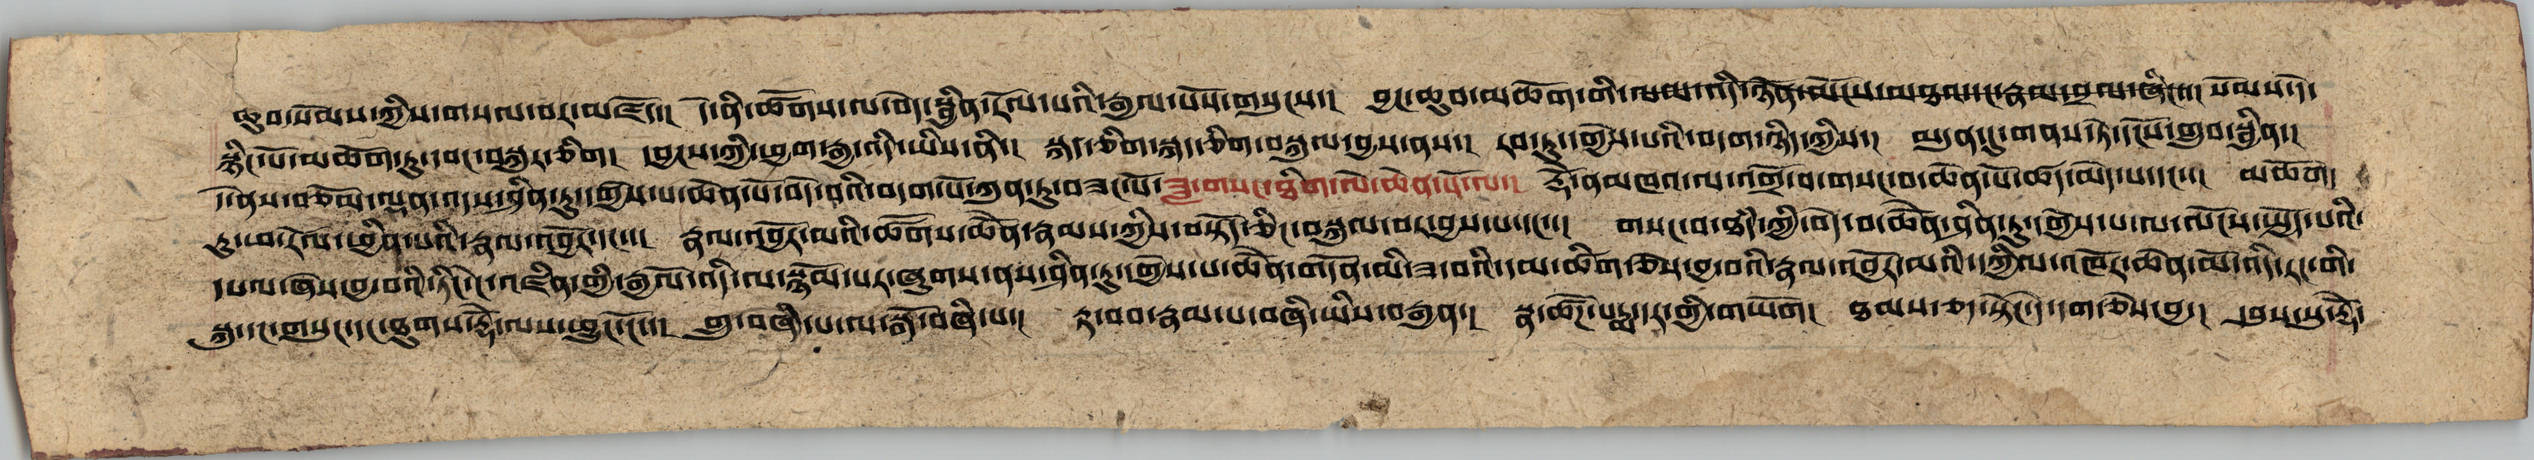ཆུབ་སེམས་ཀྱིས་གསལ་བར་མཛོད་། དེ་ནས་ཚོགས་ལ་བདེ་སྦྱིན་རོལ་པའི་རྒྱལ་པོས་གསུངས་། བྱང་ཆུབ་མཆོག་གི་ལམ་འདི་ཉོན་མོངས་མཐའ་དང་རྣམ་བྲལ་ཞིང་་། སེམས་དེ་
སྙིང་པོ་མཆོག་ཏུ་དབང་བསྐུར་ཅིག། དབྱངས་ཀྱི་ཕྱག་རྒྱ་འདི་ཡིས་ནི་། སྐད་ཅིག་སྐད་ཅིག་བསྐུལ་བྱས་ནས་། རབ་ཏུ་དགྱེས་པའི་བདག་ཉིད་ཀྱེས་། མདུན་དུ་གནས་ཏེ་དངོས་གྲུབ་སྦྱིན་།
དེ་ནས་བཅོམ་ལྡན་འདས་ཤིན་ཏུ་དགྱེས་པ་ཆེན་པོ་བདེ་བའི་བདག་པོ་ཀུན་ཏུ་བཟང་པོ་ཟླ་གསང་ཐིག་ལེ་ཆེན་པོ་ལ་། རྡོེ་ནམཁའ་ལ་འགྲོ་བ་གསང་བ་ཆེན་པོ་ཚད་མེད་པ་དང་་། མཆོག་
ཏུ་ཕ་རོལ་ཕྱིན་པའི་རྣལ་འབྱོར་དང་་། རྣལ་འབྱོར་མའི་ཚོགས་ཆེནོ་རྣམས་ཀྱིས་བསྟོད་ཅིང་བསྐུལ་བར་བྱས་པ་དང་་། གསང་བ་ཐཾད་ཀྱི་བདེ་བ་ཆེནོ་ཤིན་ཏུ་དགྱེས་པ་ལ་ལོངས་སྤྱོད་པའི་
དཔལ་ཞེས་བྱ་བའི་ཏིང་ངེ་འཛིན་གྱི་རྒྱལོ་འདི་ལ་སྙོམ་པར་ཞུགས་ནས་ཤིན་ཏུ་དགྱེས་པ་ཆེནོ་གདོན་མི་ཟ་བའི་དམ་ཚིག་ཅེས་བྱ་བའི་རྣལ་འབྱོར་མའི་དཀྱིལ་འཁོར་ཆེན་མོ་འདི་རང་གི་
སྐུ་དང་གསུང་དང་ཐུགས་རྡོེ་ལས་ཕྱུང་ངོ་་། གྲུ་བཞི་པ་ལ་སྒོ་བཞི་པ་། རྟ་བབ་རྣམ་པ་བཞི་ཡིས་བརྒྱན་། སྣ་ཚོགས་པདྨ་དར་གྱི་གཡོག། ཐམས་ཅད་སྟེང་དེ་དག་ཅེས་བྱ་། དབུས་སུ་རྡོེ་